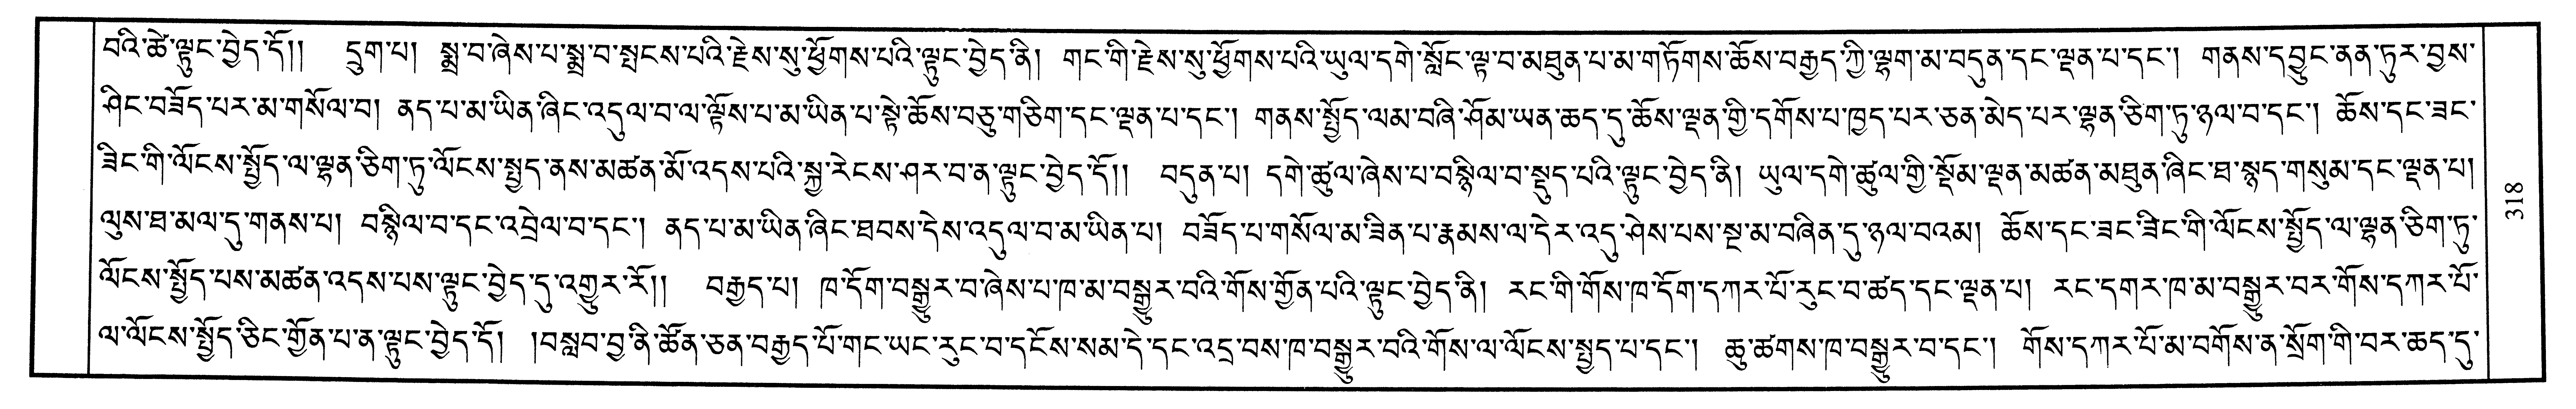བའི་ཚེ་ལྟུང་བྱེད་དོ།། དྲུག་པ། སྨྲ་བ་ཞེས་པ་སྨྲ་བ་སྤངས་པའི་རྗེས་སུ་ཕྱོགས་པའི་ལྟུང་བྱེད་ནི། གང་གི་རྗེས་སུ་ཕྱོགས་པའི་ཡུལ་དགེ་སློང་ལྟ་བ་མཐུན་པ་མ་གཏོགས་ཆོས་བརྒྱད་ཀྱི་ལྷག་མ་བདུན་དང་ལྡན་པ་དང་། གནས་དབྱུང་ནན་ཏུར་བྱས་
ཤིང་བཟོད་པར་མ་གསོལ་བ། ནད་པ་མ་ཡིན་ཞིང་འདུལ་བ་ལ་ལྟོས་པ་མ་ཡིན་པ་སྟེ་ཆོས་བཅུ་གཅིག་དང་ལྡན་པ་དང་། གནས་སྤྱོད་ལམ་བཞི་ཤོམ་ཡན་ཆད་དུ་ཆོས་ལྡན་གྱི་དགོས་པ་ཁྱད་པར་ཅན་མེད་པར་ལྷན་ཅིག་ཏུ་ཉལ་བ་དང་། ཆོས་དང་ཟང་
ཟིང་གི་ལོངས་སྤྱོད་ལ་ལྷན་ཅིག་ཏུ་ལོངས་སྤྱད་ནས་མཚན་མོ་འདས་པའི་སྐྱ་རེངས་ཤར་བ་ན་ལྟུང་བྱེད་དོ།། བདུན་པ། དགེ་ཚུལ་ཞེས་པ་བསྙིལ་བ་སྡུད་པའི་ལྟུང་བྱེད་ནི། ཡུལ་དགེ་ཚུལ་གྱི་སྡོམ་ལྡན་མཚན་མཐུན་ཞིང་ཐ་སྙད་གསུམ་དང་ལྡན་པ།
ལུས་ཐ་མལ་དུ་གནས་པ། བསྙིལ་བ་དང་འབྲེལ་བ་དང་། ནད་པ་མ་ཡིན་ཞིང་ཐབས་དེས་འདུལ་བ་མ་ཡིན་པ། བཟོད་པ་གསོལ་མ་ཟིན་པ་རྣམས་ལ་དེར་འདུ་ཤེས་པས་སྔ་མ་བཞིན་དུ་ཉལ་བའམ། ཆོས་དང་ཟང་ཟིང་གི་ལོངས་སྤྱོད་ལ་ལྷན་ཅིག་ཏུ་
ལོངས་སྤྱོད་པས་མཚན་འདས་པས་ལྟུང་བྱེད་དུ་འགྱུར་རོ།། བརྒྱད་པ། ཁ་དོག་བསྒྱུར་བ་ཞེས་པ་ཁ་མ་བསྒྱུར་བའི་གོས་གྱོན་པའི་ལྟུང་བྱེད་ནི། རང་གི་གོས་ཁ་དོག་དཀར་པོ་རུང་བ་ཚད་དང་ལྡན་པ། རང་དགར་ཁ་མ་བསྒྱུར་བར་གོས་དཀར་པོ་
ལ་ལོངས་སྤྱོད་ཅིང་གྱོན་པ་ན་ལྟུང་བྱེད་དོ། །བསླབ་བྱ་ནི་ཚོན་ཅན་བརྒྱད་པོ་གང་ཡང་རུང་བ་དངོས་སམ་དེ་དང་འདྲ་བས་ཁ་བསྒྱུར་བའི་གོས་ལ་ལོངས་སྤྱད་པ་དང་། ཆུ་ཚགས་ཁ་བསྒྱུར་བ་དང་། གོས་དཀར་པོ་མ་བགོས་ན་སྲོག་གི་བར་ཆད་དུ་